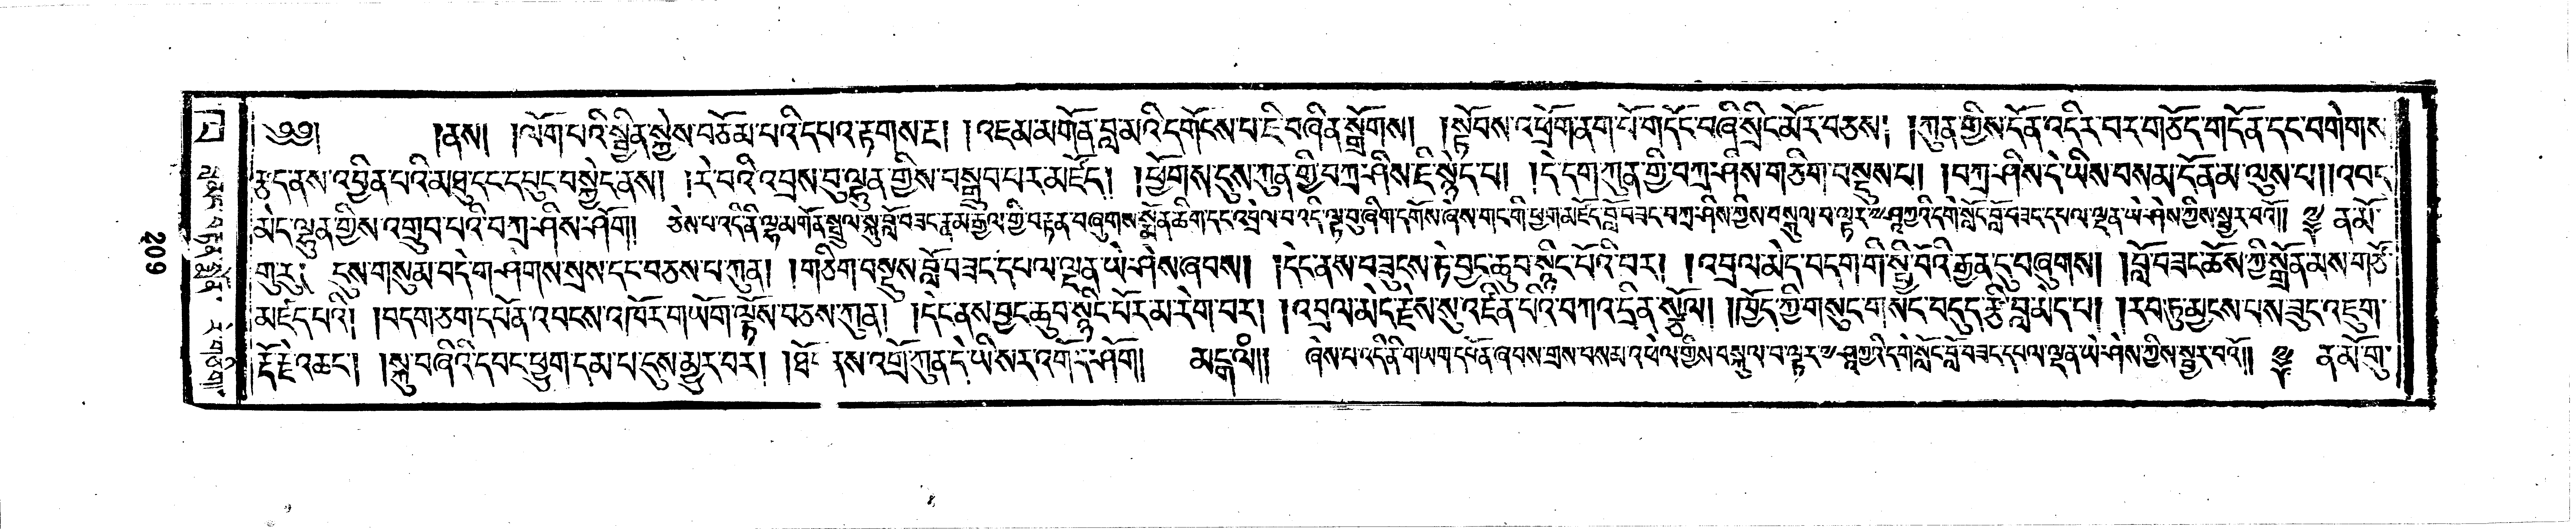༄༅། །ནས། །ལོག་པའི་སྦྱིན་སྐྱེས་བཅོམ་པའི་དཔའ་རྟགས་རྔ། །འཇམ་མགོན་བླ་མའི་དགོངས་པ་ཇི་བཞིན་སྒྲོགས། །སྟོབས་འཕྲོག་ནག་པོ་གདོང་བཞི་སྲིང་མོར་བཅས། །ཀུན་གྱིས་དོན་འདིར་བར་གཅོད་གདོན་དང་བགེགས་
རྩད་ནས་འབྱིན་པའི་མཐུ་དང་དཔུང་བསྐྱེད་ནས། །རེ་བའི་འབྲས་བུ་ལྷུན་གྱིས་བསྒྲུབ་པར་མཛོད། །ཕྱོགས་དུས་ཀུན་གྱི་བཀྲ་ཤིས་ཇི་སྙེད་པ། །དེ་དག་ཀུན་གྱི་བཀྲ་ཤིས་གཅིག་བསྡུས་པ། །བཀྲ་ཤིས་དེ་ཡིས་བསམ་དོན་མ་ལུས་པ། །འབད་
མེད་ལྷུན་གྱིས་འགྲུབ་པའི་བཀྲ་ཤིས་ཤོག། ཅེས་པ་འདི་ནི་ལྷ་མགོན་སྤྲུལ་སྐུ་བློ་བཟང་རྣམ་རྒྱལ་གྱི་བརྟན་བཞུགས་སྨོན་ཆིག་དང་འབྲེལ་བ་འདི་ལྟ་བུ་ཞིག་དགོས་ཞེས་གང་གི་ཕྱག་མཛོད་བློ་བཟང་བཀྲ་ཤིས་ཀྱིས་བསྐུལ་བ་ལྟར་༧་ཤཱཀྱའི་དགེ་སློང་བློ་བཟང་དཔལ་ལྡན་ཡེ་ཤེས་ཀྱིས་སྦྱར་བའོ།། ༈ ན་མོ་
གུ་རུ༑ དུས་གསུམ་བདེ་གཤེགས་སྲས་དང་བཅས་པ་ཀུན། །གཅིག་བསྡུས་བློ་བཟང་དཔལ་ལྡན་ཡེ་ཤེས་ཞབས། །དེང་ནས་བཟུངས་ཏེ་བྱང་ཆུབ་སྙིང་པོའི་བར། །འབྲལ་མེད་བདག་གི་སྦྱི་བོའི་རྒྱན་དུ་བཞུགས། །བློ་བཟང་ཆོས་ཀྱི་སྒྲོན་མས་གཙོ་
མཛད་པའི། །བདག་ཅག་དཔོན་འབངས་འཁོར་གཡོག་ལྟོས་བཅས་ཀུན། །དེང་ནས་བྱང་ཆུབ་སྙིང་པོར་མ་རེག་པར། །འབྲལ་མེད་རྗེས་སུ་འཛིན་པའི་བཀའ་དྲིན་སྩོལ། །ཁྱོད་ཀྱི་གསུང་གསང་བདུད་རྩི་བླ་མེད་པ། །རབ་ཏུ་མྱངས་པས་ཟུང་འཇུག་
རྡོ་རྗེ་འཆང་། །སྐུ་བཞིའི་དབང་ཕྱུག་དམ་པ་དུས་མྱུར་བར། །ཐོབ་ནས་འགྲོ་ཀུན་དེ་ཡི་སར་འགོད་ཤོག། མངྒ་ལཾ།། ཞེས་པ་འདི་ནི་གཡག་དཔོན་ཞབས་གྲས་བསམ་འཕེལ་གྱིས་བསྐུལ་བ་ལྟར་༧་ཤཱཀྱའི་དགེ་སློང་བློ་བཟང་དཔལ་ལྡན་ཡེ་ཤེས་ཀྱིས་སྦྱར་བའོ།། ༈ ན་མོ་གུ་